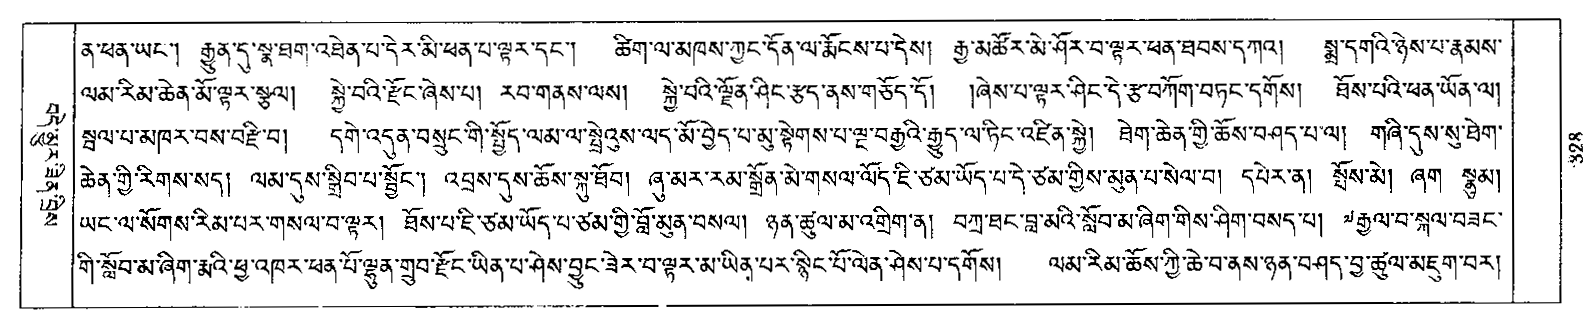ན་ཕན་ཡང་། རྒྱུན་དུ་སྣ་ཐག་འཐེན་པ་དེར་མི་ཕན་པ་ལྟར་དང་། ཚིག་ལ་མཁས་ཀྱང་དོན་ལ་རྨོངས་པ་དེས། རྒྱ་མཚོར་མེ་ཤོར་བ་ལྟར་ཕན་ཐབས་དཀའ། སྨྲ་དགའི་ཉེས་པ་རྣམས་
ལམ་རིམ་ཆེན་མོ་ལྟར་སྩལ། སྐྱེ་བའི་རྫོང་ཞེས་པ། རབ་གནས་ལས། སྐྱེ་བའི་ལྗོན་ཤིང་རྩད་ནས་གཅོད་དོ། །ཞེས་པ་ལྟར་ཤིང་དེ་རྩ་བཀོག་བཏང་དགོས། ཐོས་པའི་ཕན་ཡོན་ལ།
སྦལ་པ་མཁར་བས་བརྫི་བ། དགེ་འདུན་བསྲུང་གི་སྤྱོད་ལམ་ལ་སྤྲེའུས་ལད་མོ་བྱེད་པ་མུ་སྟེགས་པ་ལྔ་བརྒྱའི་རྒྱུད་ལ་ཏིང་འཛིན་སྐྱེ། ཐེག་ཆེན་གྱི་ཆོས་བཤད་པ་ལ། གཞི་དུས་སུ་ཐེག་
ཆེན་གྱི་རིགས་སད། ལམ་དུས་སྒྲིབ་པ་སྦྱོང་། འབྲས་དུས་ཆོས་སྐུ་ཐོབ། ཞུ་མར་རམ་སྒྲོན་མེ་གསལ་ལོད་ཇི་ཙམ་ཡོད་པ་དེ་ཙམ་གྱིས་མུན་པ་སེལ་བ། དཔེར་ན། སྤོས་མེ། ཞག་སྣུམ།
ཡང་ལ་སོགས་རིམ་པར་གསལ་བ་ལྟར། ཐོས་པ་ཇི་ཙམ་ཡོད་པ་ཙམ་གྱི་བློ་མུན་བསལ། ཉན་ཚུལ་མ་འགྲིག་ན། བཀྲ་ཐང་བླ་མའི་སློབ་མ་ཞིག་གིས་ཤིག་བསད་པ། ༧་རྒྱལ་བ་སྐལ་བཟང་
གི་སློབ་མ་ཞིག་རྨའི་ཕྱ་འཁར་ཕན་པོ་ལྷུན་གྲུབ་རྫོང་ཡིན་པ་ཤེས་བྱུང་ཟེར་བ་ལྟར་མ་ཡིན་པར་སྙིང་པོ་ལེན་ཤེས་པ་དགོས། ལམ་རིམ་ཆོས་ཀྱི་ཆེ་བ་ནས་ཉན་བཤད་བྱ་ཚུལ་མཇུག་བར།